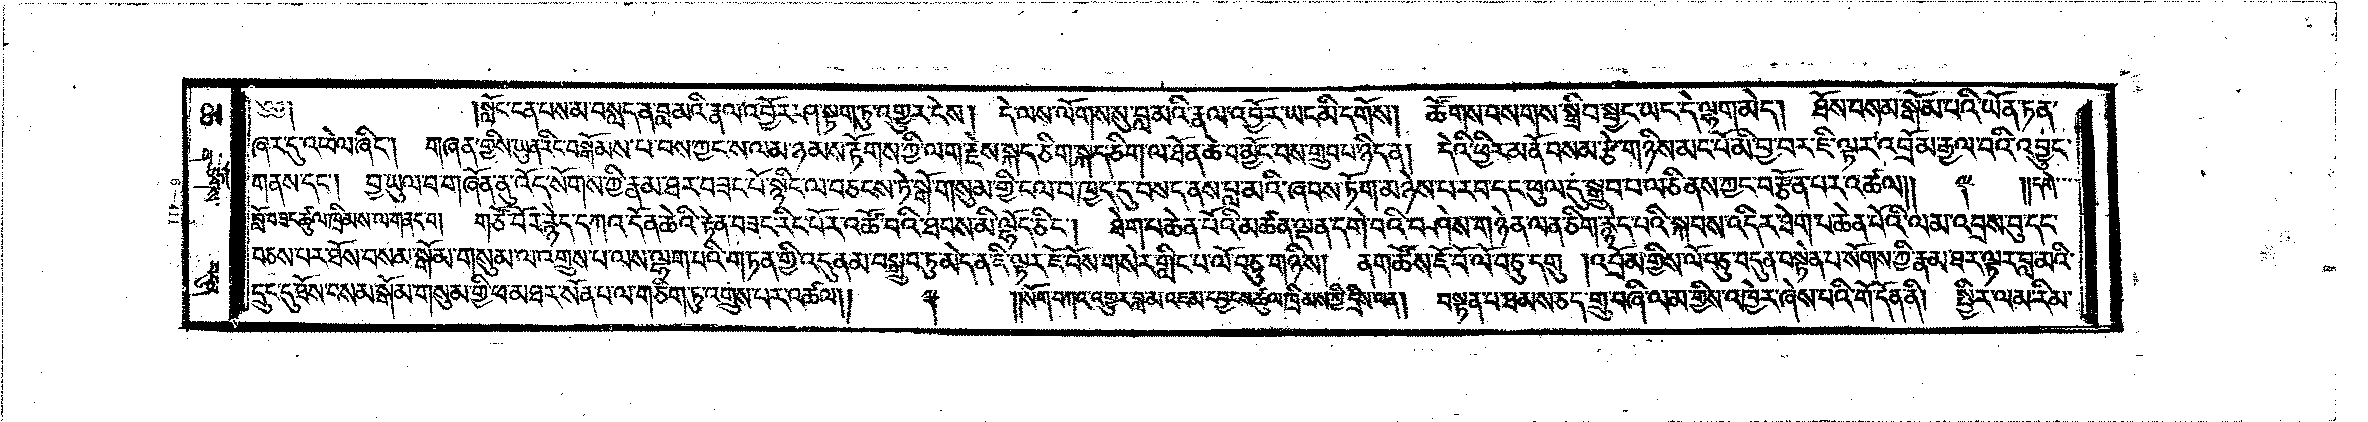༄༅། །སློང་ངན་པས་མ་བསླད་ན་བླ་མའི་རྣལ་འབྱོར་ཤ་སྟག་ཏུ་འགྱུར་ངེས། དེ་ལས་ལོགས་སུ་བླ་མའི་རྣལ་འབྱོར་ཡང་མི་དགོས། ཚོགས་བསགས་སྒྲིབ་སྦྱང་ཡང་དེ་ལྷག་མེད། ཐོས་བསམ་སྒོམ་པའི་ཡོན་ཏན་
ཞར་དུ་འཕེལ་ཞིང་། གཞན་གྱིས་ཡུན་རིང་བསྒོམས་པ་བས་ཀྱང་ས་ལམ་ཉམས་རྟོགས་ཀྱི་ལག་རྗེས་སྐད་ཅིག་སྐད་ཅིག་ལ་ཐོན་ཆེ་བ་མྱོང་བས་གྲུབ་པ་ཉིད་ན། དེའི་ཕྱིར་མནོ་བསམ་རྩེ་གཉིས་མང་པོ་མི་བྱ་བར་ཇི་ལྟར་འབྲོམ་རྒྱལ་བའི་འབྱུང་
གནས་དང་། བྱ་ཡུལ་བ་གཞོན་ནུ་འོད་སོགས་ཀྱི་རྣམ་ཐར་བཟང་པོ་སྙིང་ལ་བཅངས་ཏེ་སྒོ་གསུམ་གྱི་ངལ་བ་ཁྱད་དུ་བསད་ནས་བླ་མའི་ཞབས་ཏོག་མཉེས་པ་རབ་དང་ཕུལ་དུ་སྒྲུབ་པ་ལ་ཅི་ནས་ཀྱང་བརྩོན་པར་འཚལ།། ༈ །།དགེ་
བློ་བཟང་ཚུལ་ཁྲིམས་ལ་གནང་བ། གཙོ་བོར་རྙེད་དཀའ་དོན་ཆེའི་རྟེན་བཟང་རིང་པོར་འཚོ་བའི་ཐབས་མི་ལྷོད་ཅིང་། ཐེག་པ་ཆེན་པོའི་མཚན་ལྡན་དགེ་བའི་བཤེས་གཉེན་ལན་ཅིག་རྙེད་པའི་སྐབས་འདིར་ཐེག་པ་ཆེན་པོའི་ལམ་འབྲས་བུ་དང་
བཅས་པར་ཐོས་བསམ་སྒོམ་གསུམ་ལ་འགྲུས་པ་ལས་ལྷག་པའི་གཏན་གྱི་འདུན་མ་བསྒྲུབ་ཏུ་མེད་ན་ཇི་ལྟར་ཇོ་བོས་གསེར་གླིང་པ་ལོ་བཅུ་གཉིས། ནག་ཚོས་ཇོ་བོ་ལོ་བཅུ་དགུ །འབྲོམ་གྱིས་ལོ་བཅུ་བདུན་བསྟེན་པ་སོགས་ཀྱི་རྣམ་ཐར་ལྟར་བླ་མའི་
དྲུང་དུ་ཐོས་བསམ་སྒོམ་གསུམ་གྱི་ཕ་མཐར་སོན་པ་ལ་གཅིག་ཏུ་འགྲུས་པར་འཚལ།། ༈ །།སོག་བཀའ་འགྱུར་བླ་མ་འཇམ་དབྱངས་ཚུལ་ཁྲིམས་ཀྱི་དྲིས་ལན།  བསྟན་པ་ཐམས་ཅད་གྲུ་བཞི་ལམ་གྱིས་འཁྱེར་ཞེས་པའི་གོ་དོན་ནི། སྤྱིར་ལམ་རིམ་